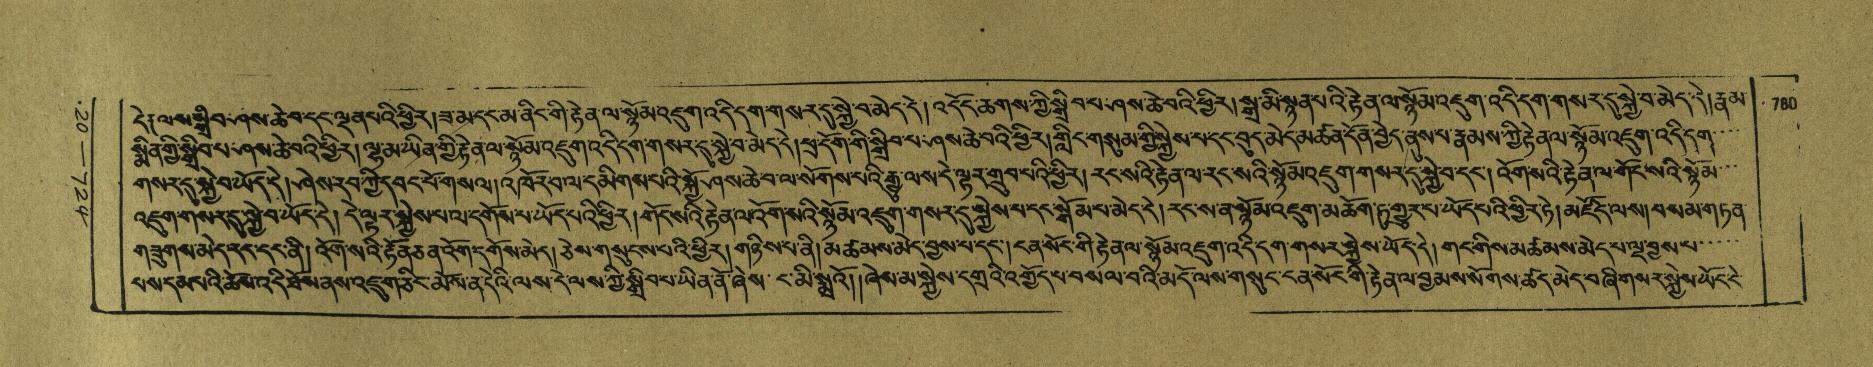དེ༑ ལས་སྒྲིབ་ཤས་ཆེ་བ་དང་ལྡན་པའི་ཕྱིར། ཟ་མ་དང་མ་ནིང་གི་རྟེན་ལ་སྙོམ་འཇུག་འདི་དག་གསར་དུ་སྐྱེ་བ་མེད་དེ། འདོད་ཆགས་ཀྱི་སྒྲིབ་པ་ཤས་ཆེ་བའི་ཕྱིར། སྒྲ་མི་སྙན་པའི་རྟེན་ལ་སྙོམ་འཇུག་འདི་དག་གསར་དུ་སྐྱེ་བ་མེད་དེ། རྣམ་
སྨིན་གྱི་སྒྲིབ་པ་ཤས་ཆེ་བའི་ཕྱིར། ལྷ་མ་ཡིན་གྱི་རྟེན་ལ་སྙོམ་འཇུག་འདི་དག་གསར་དུ་སྐྱེ་བ་མེད་དེ། ཕྲ་དོག་གི་སྒྲིབ་པ་ཤས་ཆེ་བའི་ཕྱིར། གླིང་གསུམ་གྱི་སྐྱེས་པ་དང་བུད་མེད་མཚན་དོན་བྱེད་ནུས་པ་རྣམས་ཀྱི་རྟེན་ལ་སྙོམ་འཇུག་འདི་དག་
གསར་དུ་སྐྱེ་བ་ཡོད་དེ། ཤེས་རབ་ཀྱི་དབང་པོ་གསལ། འཁོར་བ་ལ་དམིགས་པའི་སྐྱོ་ཤས་ཆེ་བ་ལ་སོགས་པའི་རྒྱུ་ལས་དེ་ལྟར་གྲུབ་པའི་ཕྱིར། རང་སའི་རྟེན་ལ་རང་སའི་སྙོམ་འཇུག་གསར་དུ་སྐྱེ་བ་དང་། འོག་སའི་རྟེན་ལ་གོང་སའི་སྙོམ་
འཇུག་གསར་དུ་སྐྱེ་བ་ཡོད་དེ། དེ་ལྟར་སྐྱེས་པ་ལ་དགོས་པ་ཡོད་པའི་ཕྱིར། གོང་སའི་རྟེན་ལ་འོག་སའི་སྙོམ་འཇུག་གསར་དུ་སྐྱེས་པ་དང་སྒོམ་པ་མེད་དེ། རང་ས་ན་སྙོམ་འཇུག་མཆོག་ཏུ་གྱུར་པ་ཡོད་པའི་ཕྱིར་ཏེ། མཛོད་ལས། བསམ་གཏན་
གཟུགས་མེད་རང་དང་ནི། འོག་སའི་རྟོན་ཅན་འོག་དགོས་མེད། ཅེས་གསུངས་པའི་ཕྱིར། གཉིས་པ་ནི། མཚམས་མེད་བྱས་པ་དང་། ངན་སོང་གི་རྟེན་ལ་སྙོམ་འཇུག་འདི་དག་གསར་སྐྱེས་ཡོད་དེ། གང་གིས་མཚམས་མེད་པ་ལྔ་བྱས་པ་
པས་དམ་པའི་ཆོས་འདི་ཐོས་ནས་འཇུག་ཅིང་མོས་ན་དེའི་ལས་དེ་ལས་ཀྱི་སྒྲིབ་པ་ཡིན་ནོ་ཞེས་ང་མི་སྨྲའོ། །ཞེས་མ་སྐྱེས་དགྲའི་འགྱོད་པ་བསལ་བའི་མདོ་ལས་གསུང་ངན་སོང་གི་རྟེན་ལ་བྱམས་སོགས་ཚད་མེད་བཞི་གསར་སྐྱེས་ཡོད་དེ་